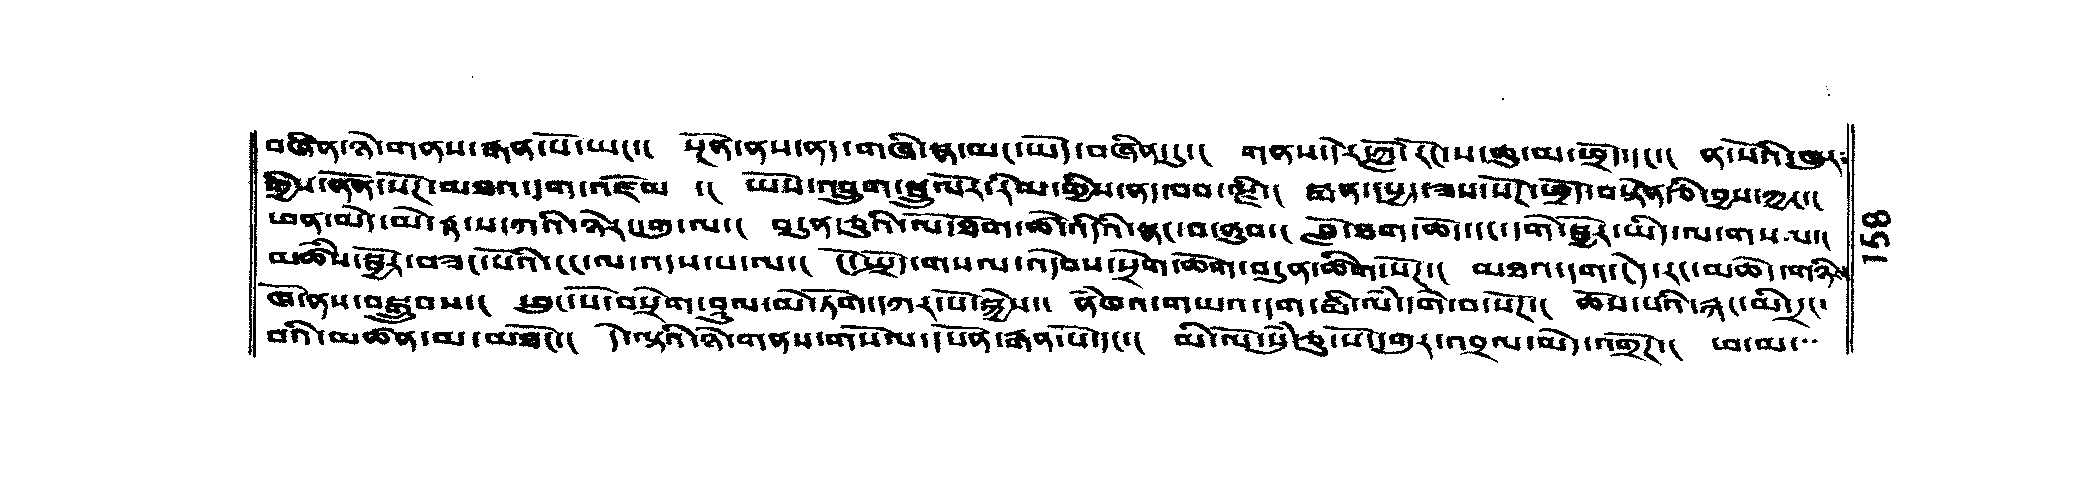བཞིན་ཉེ་གནས་རྒན་པོ་ཡང་། །སྔོན་ནས་ནད་གཞི་སྣ་མང་ཡོད་བཞིན་དུ། །གནས་དེར་ཀློ་རོང་ས་ཆུ་མ་ཕྲོད་དང་། །ན་སོའི་ཁུར་
གྱིས་ནོན་སོགས་མཐའ་དག་འཛོམ། །ཡོས་འབྲུག་སྦྲུལ་ལོར་རིམ་གྱིས་ནད་བབས་ལྗིད། །སྨན་དཔྱད་ཟས་སོགས་ཕྲོད་བསྟེན་ཅི་བྱས་ཀྱང་། །
ཕན་མེད་མེ་རྟ་ས་གའི་ཉེར་དགུ་ལ། །བདུན་ཅུའི་ལོ་ཐོག་ཚེ་འདིའི་སྣང་བ་ནུབ། །བློ་ཐག་ཆོད་དང་དགེ་སྦྱོར་ཡིད་ལ་གསལ། །
མཚམས་སྦྱོར་བཟང་པོའི་ངང་ལ་འདས་པ་ལ། །ངོ་སྤྲོད་གསལ་འདེབས་སྲེག་ཆོག་བདུན་ཚིགས་སོགས། །མཐའ་དག་ངེད་རང་མཆེད་གཉིས་
ཁོ་ནས་བསྒྲུབས། །ཕུང་པོ་བསྲེགས་ཤུལ་མེ་ཏོག་དཀར་པོ་སྐྱེས། །ནམ་མཁའི་གཡའ་དག་རྨི་ལམ་དགེ་བ་སོགས། །ཆོས་པའི་རྐང་མི་དྲང་
བའི་མཚན་མ་མཐོང་། །དེ་ལྟའི་ཉེ་གནས་གསོལ་དཔོན་རྒན་པོ་དང་། །མི་ལོ་སུམ་ཅུ་སོ་དགུར་འབྲལ་མེད་འགྲོགས། །ཕ་མ་